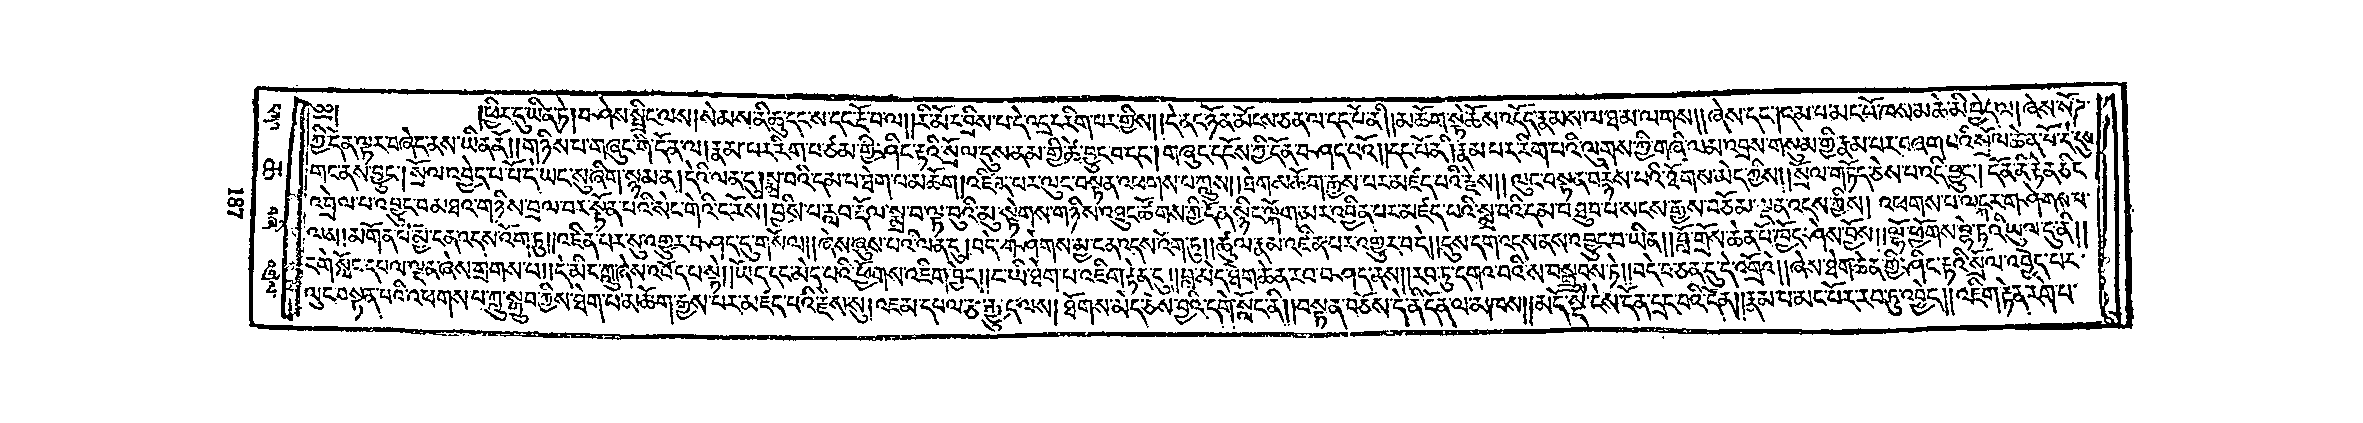༄༅། །ཕྱིར་དུ་ཡིན་ཏེ། བཤེས་སྤྲིང་ལས། སེམས་ནི་ཆུ་དང་ས་དང་རྔོ་བ་ལ། །རི་མོར་བྲིས་པ་དེ་འདྲར་རིག་པར་གྱིས། །དེ་ནང་ཉོན་མོངས་ཅན་ལ་དང་པོ་ནི། མཆོག་སྟེ་ཆོས་འདོད་རྣམས་ལ་ཐ་མ་ལགས། །ཞེས་དང་། དམ་པ་མང་པོ་ཁས་མཆེ་མི་བྱེད་ལ། ཞེས་སོགས་
ཀྱི་དོན་ལྟར་བཞེད་ནས་ཡིན་ནོ། །གཉིས་པ་གཞུང་གི་དོན་ལ། རྣམ་པར་རིག་པ་ཙམ་གྱི་ཤིང་རྟའི་སྲོལ་དུས་ནམ་གྱི་ཚེ་བྱུང་བ་དང་། གཞུང་དངོས་ཀྱི་དོན་བཤད་པའོ། །དང་པོ་ནི། རྣམ་པར་རིག་པའི་ལུགས་ཀྱི་གཞི་ལམ་འབྲས་གསུམ་གྱི་རྣམ་པར་བཞག་པའི་སྲོལ་ཆེན་པོ་དེ་དུས་
གང་ནས་བྱུང་། སྲོལ་འབྱེད་པ་པོ་དེ་ཡང་སུ་ཞིག་སྙམ་ན། དེའི་ལན་དུ། སྨྲ་བའི་དམ་པ་ཐེག་པ་མཆོག །འཛིན་པར་ལུང་བསྟན་འཕགས་པ་ཀླུས། །ཐེག་མཆོག་རྒྱས་པར་མཛད་པའི་རྗེས། །ལུང་བསྟན་བརྙེས་པའི་ཐོགས་མེད་ཀྱིས། །སྲོལ་གཏོད་ཅེས་པ་འདི་བྱུང་། དོན་ནི་རྟེན་ཅིང་
འབྲེལ་པ་འབྱུང་བ་མཐའ་གཉིས་བྲལ་བར་སྟོན་པའི་སེང་གེའི་ང་རོས། བྱིས་པ་རླབ་རྡོལ་སྨྲ་བ་ལྟ་བུའི་མུ་སྟེགས་གཉིས་འཐུང་ཚོགས་ཀྱི་དོན་སྙིང་ལྐོག་མར་འབྱིན་པར་མཛད་པའི་སྨྲ་བའི་དམ་པ་ཐུབ་པ་སངས་རྒྱས་བཅོམ་ལྡན་འདས་ཀྱིས། འཕགས་པ་ལངྐར་གཤེགས་པ་
ལས། མགོན་པོ་མྱ་ངན་འདས་འོག་ཏུ། འཛིན་པར་སུ་འགྱུར་བཤད་དུ་གསོལ། །ཞེས་ཞུས་པའི་ལན་དུ། བདེ་གཤེགས་མྱ་ངན་འདས་འོག་ཏུ། །ཚུལ་རྣམ་འཛིན་པར་འགྱུར་བ་དེ། །དུས་དག་འདས་ནས་འབྱུང་བ་ཡིན། །བློ་གྲོས་ཆེན་པོ་ཁྱོད་ཤེས་བྱོས། །ལྷོ་ཕྱོགས་བྷེ་ཏའི་ཡུལ་དུ་ནི། །
དགེ་སློང་དཔལ་ལྡན་ཞེས་གྲགས་པ། དེ་མིང་ཀླུ་ཞེས་འབོད་པ་སྟེ། ཡོད་དང་མེད་པའི་ཕྱོགས་འཇིག་བྱེད། །ང་ཡི་ཐེག་པ་འཇིག་རྟེན་དུ། །བླ་མེད་ཐེག་ཆེན་རབ་བཤད་ནས། །རབ་ཏུ་དགའ་བའི་ས་བསྒྲུབས་ཏེ། །བདེ་བ་ཅན་དུ་དེ་འགྲོའོ། །ཞེས་ཐེག་ཆེན་གྱི་ཤིང་རྟའི་སྲོལ་འབྱེད་པར་
ལུང་བསྟན་པའི་འཕགས་པ་ཀླུ་སྒྲུབ་ཀྱིས་ཐེག་པ་མཆོག་རྒྱས་པར་མཛད་པའི་རྗེས་སུ། འཇམ་དཔལ་རྩ་རྒྱུད་ལས། ཐོགས་མེད་ཅེས་བྱའི་དགེ་སློང་ནི། བསྟན་བཅོས་དེ་ནི་དོན་ལ་མཁས། །མདོ་སྡེ་ངེས་དོན་དྲང་བའི་དོན། །རྣམ་པ་མང་པོར་རབ་ཏུ་འབྱེད། །འཇིག་རྟེན་རིག་པ་